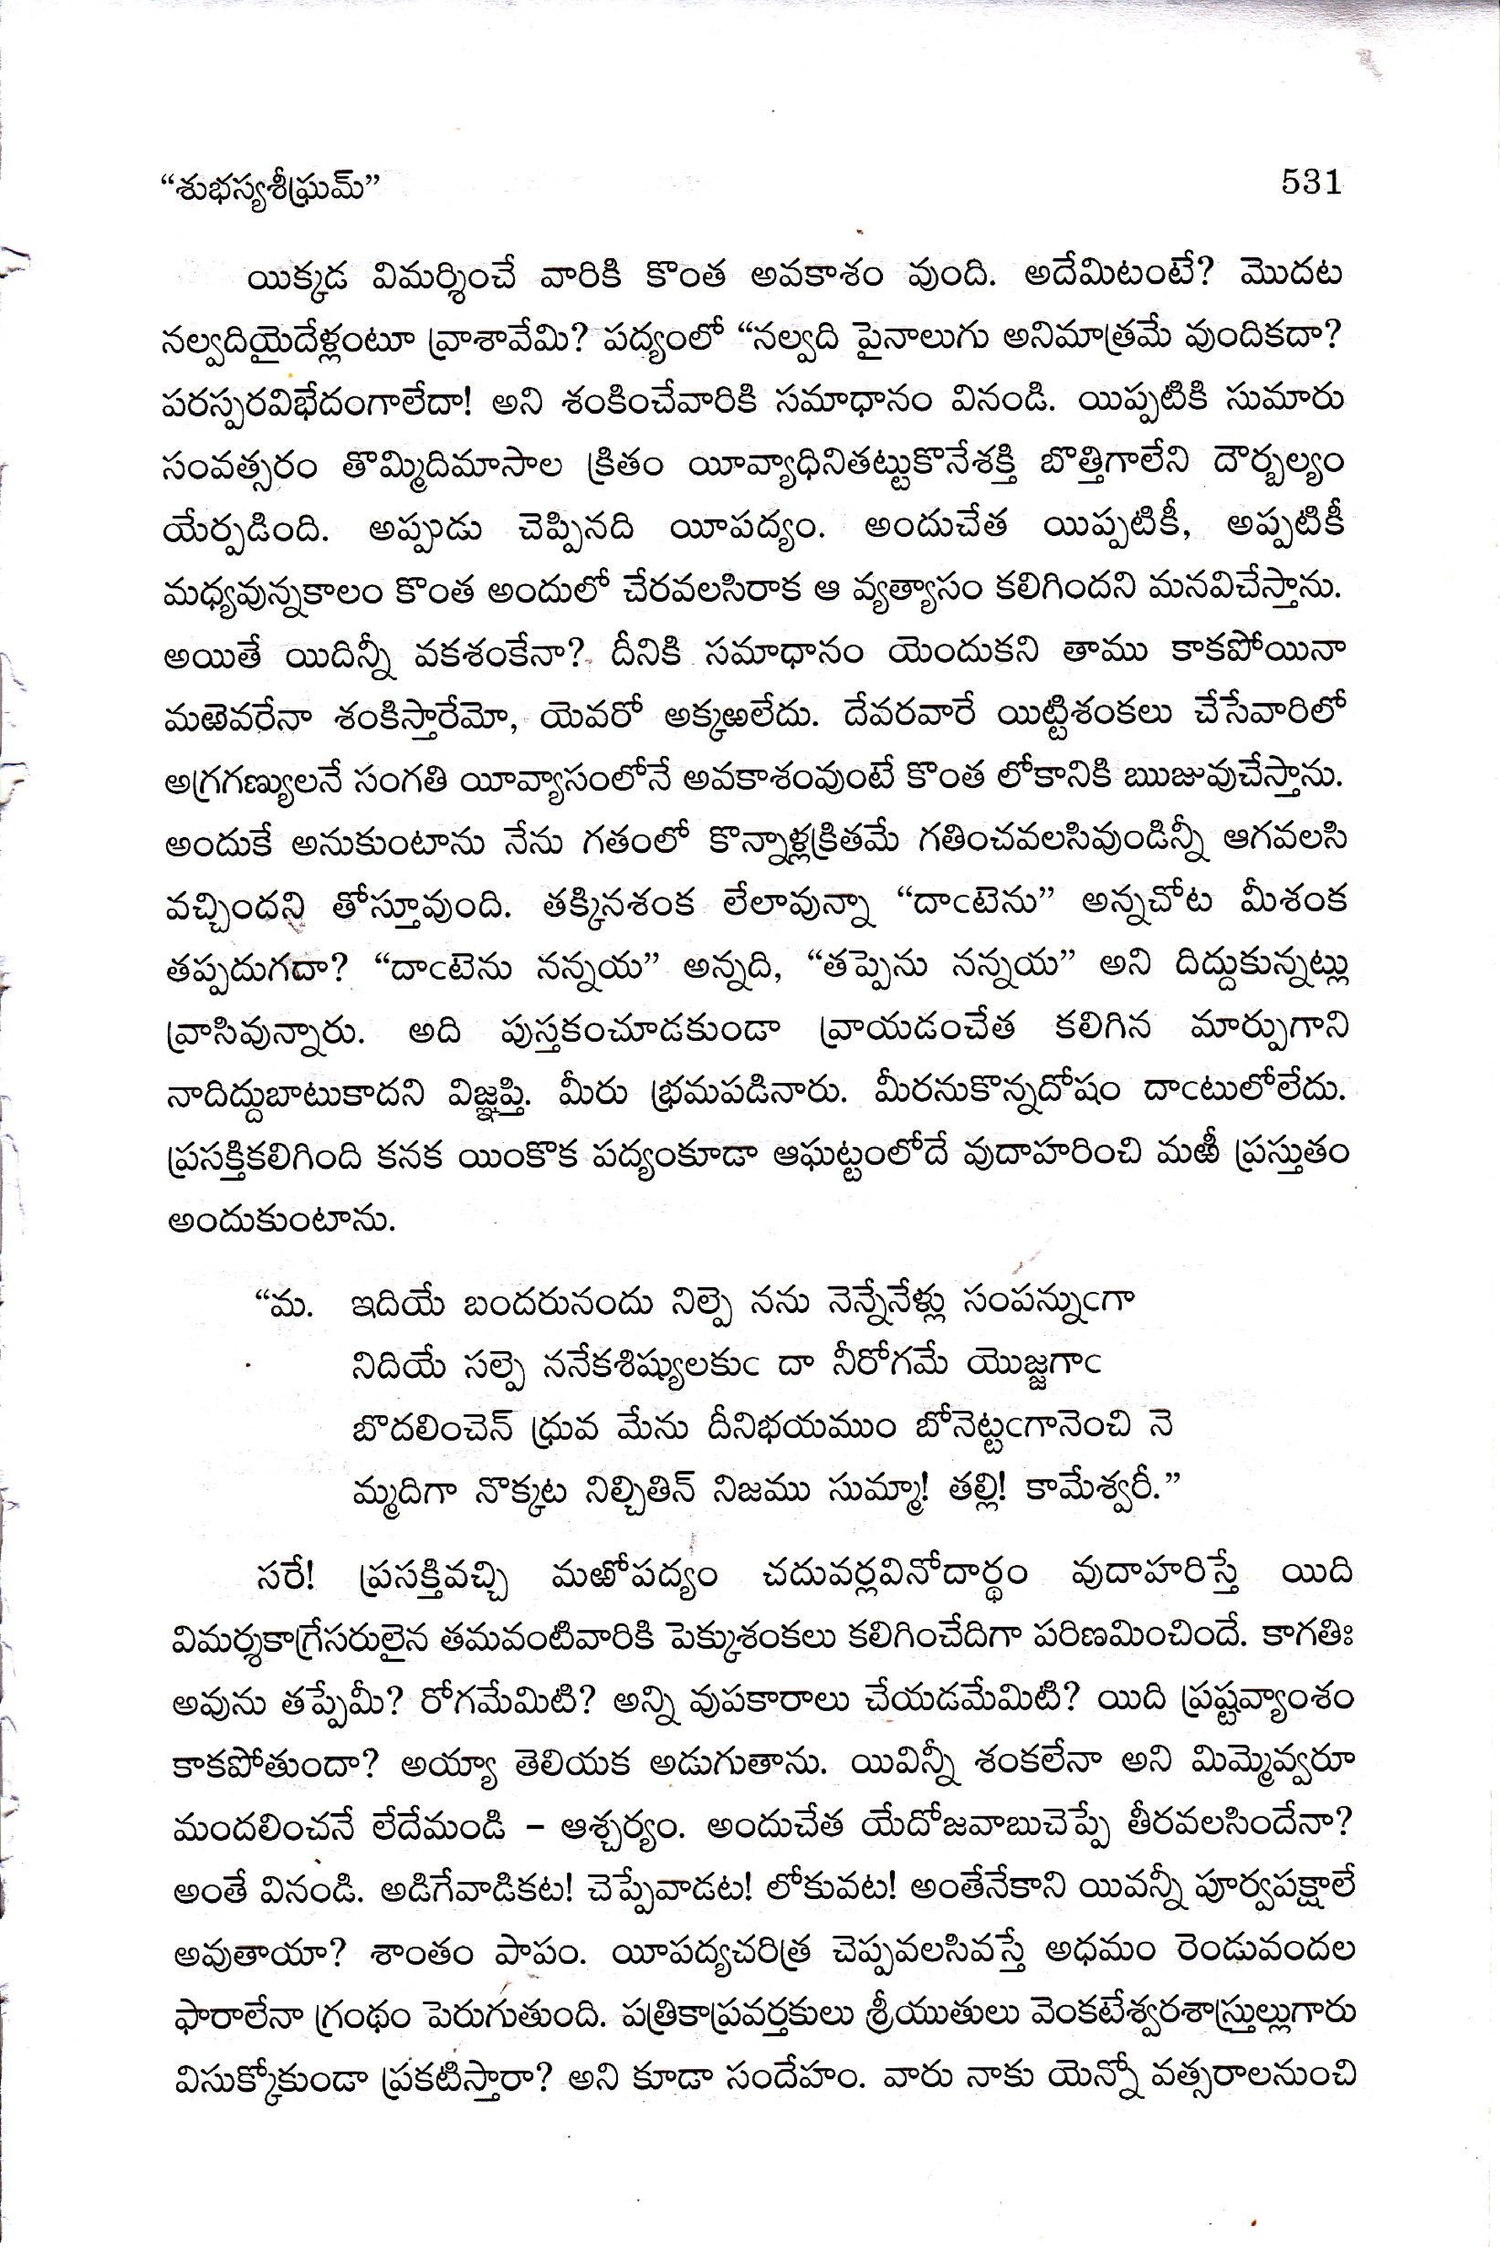యిక్కడ విమర్శించే వారికి కొంత అవకాశం వుంది. అదేమిటంటే? మొదట నల్వదియైదేళ్లంటూ వ్రాశావేమి? పద్యంలో “నల్వది పైనాలుగు అనిమాత్రమే వుందికదా? పరస్పరవిభేదంగాలేదా! అని శంకించేవారికి సమాధానం వినండి. యిప్పటికి సుమారు సంవత్సరం తొమ్మిదిమాసాల క్రితం యీవ్యాధినితట్టుకొనేశక్తి బొత్తిగాలేని దౌర్బల్యం యేర్పడింది. అప్పుడు చెప్పినది యీపద్యం. అందుచేత యిప్పటికీ, అప్పటికీ మధ్యవున్నకాలం కొంత అందులో చేరవలసిరాక ఆ వ్యత్యాసం కలిగిందని మనవిచేస్తాను. అయితే యిదిన్నీ వకశంకేనా? దీనికి సమాధానం యెందుకని తాము కాకపోయినా మఱెవరేనా శంకిస్తారేమో, యెవరో అక్కఱలేదు. దేవరవారే యిట్టిశంకలు చేసేవారిలో అగ్రగణ్యులనే సంగతి యీవ్యాసంలోనే అవకాశంవుంటే కొంత లోకానికి ఋజువుచేస్తాను. అందుకే అనుకుంటాను నేను గతంలో కొన్నాళ్లక్రితమే గతించవలసివుండిన్నీ ఆగవలసి వచ్చిందని తోస్తూవుంది. తక్కినశంక లేలావున్నా “దాఁటెను” అన్నచోట మీశంక తప్పదుగదా? "దాఁటెను నన్నయ" అన్నది, "తప్పెను నన్నయ" అని దిద్దుకున్నట్లు వ్రాసివున్నారు. అది పుస్తకంచూడకుండా వ్రాయడంచేత కలిగిన మార్పుగాని నాదిద్దుబాటుకాదని విజ్ఞప్తి మీరు భ్రమపడినారు. మీరనుకొన్నదోషం దాఁటులోలేదు. ప్రసక్తికలిగింది కనక యింకొక పద్యంకూడా ఆఘట్టంలోదే వుదాహరించి మఱీ ప్రస్తుతం అందుకుంటాను. -

"మ. ఇదియే బందరునందు నిల్పె నను నెన్నేనేళ్లు సంపన్నుఁగా
 నిదియే సల్పె ననేకశిష్యులకుఁ దా నీరోగమే యొజ్జగాఁ 
 బొదలించెన్ ధ్రువ మేను దీనిభయముం బోనెట్టఁగానెంచి నె 
 మ్మదిగా నొక్కట నిల్చితిన్ నిజము సుమ్మా! తల్లి! కామేశ్వరీ.”
సరే! ప్రసక్తివచ్చి మఱోపద్యం చదువర్లవినోదార్థం వుదాహరిస్తే యిది విమర్శకాగ్రేసరులైన తమవంటివారికి పెక్కుశంకలు కలిగించేదిగా పరిణమించిందే. కాగతిః అవును తప్పేమీ? రోగమేమిటి? అన్ని వుపకారాలు చేయడమేమిటి? యిది ప్రష్టవ్యాంశం కాకపోతుందా? అయ్యా తెలియక అడుగుతాను. యివిన్నీ శంకలేనా అని మిమ్మెవ్వరూ మందలించనే లేదేమండి - ఆశ్చర్యం. అందుచేత యేదోజవాబుచెప్పే తీరవలసిందేనా? అంతే వినండి. అడిగేవాడికట! చెప్పేవాడట! లోకువట! అంతేనేకాని యివన్నీ పూర్వపక్షాలే అవుతాయా? శాంతం పాపం. యీపద్యచరిత్ర చెప్పవలసివస్తే అధమం రెండువందల ఫారాలేనా గ్రంథం పెరుగుతుంది. పత్రికాప్రవర్తకులు శ్రీయుతులు వెంకటేశ్వరశాస్త్రుల్లుగారు విసుక్కోకుండా ప్రకటిస్తారా? అని కూడా సందేహం. వారు నాకు యెన్నో వత్సరాలనుంచి